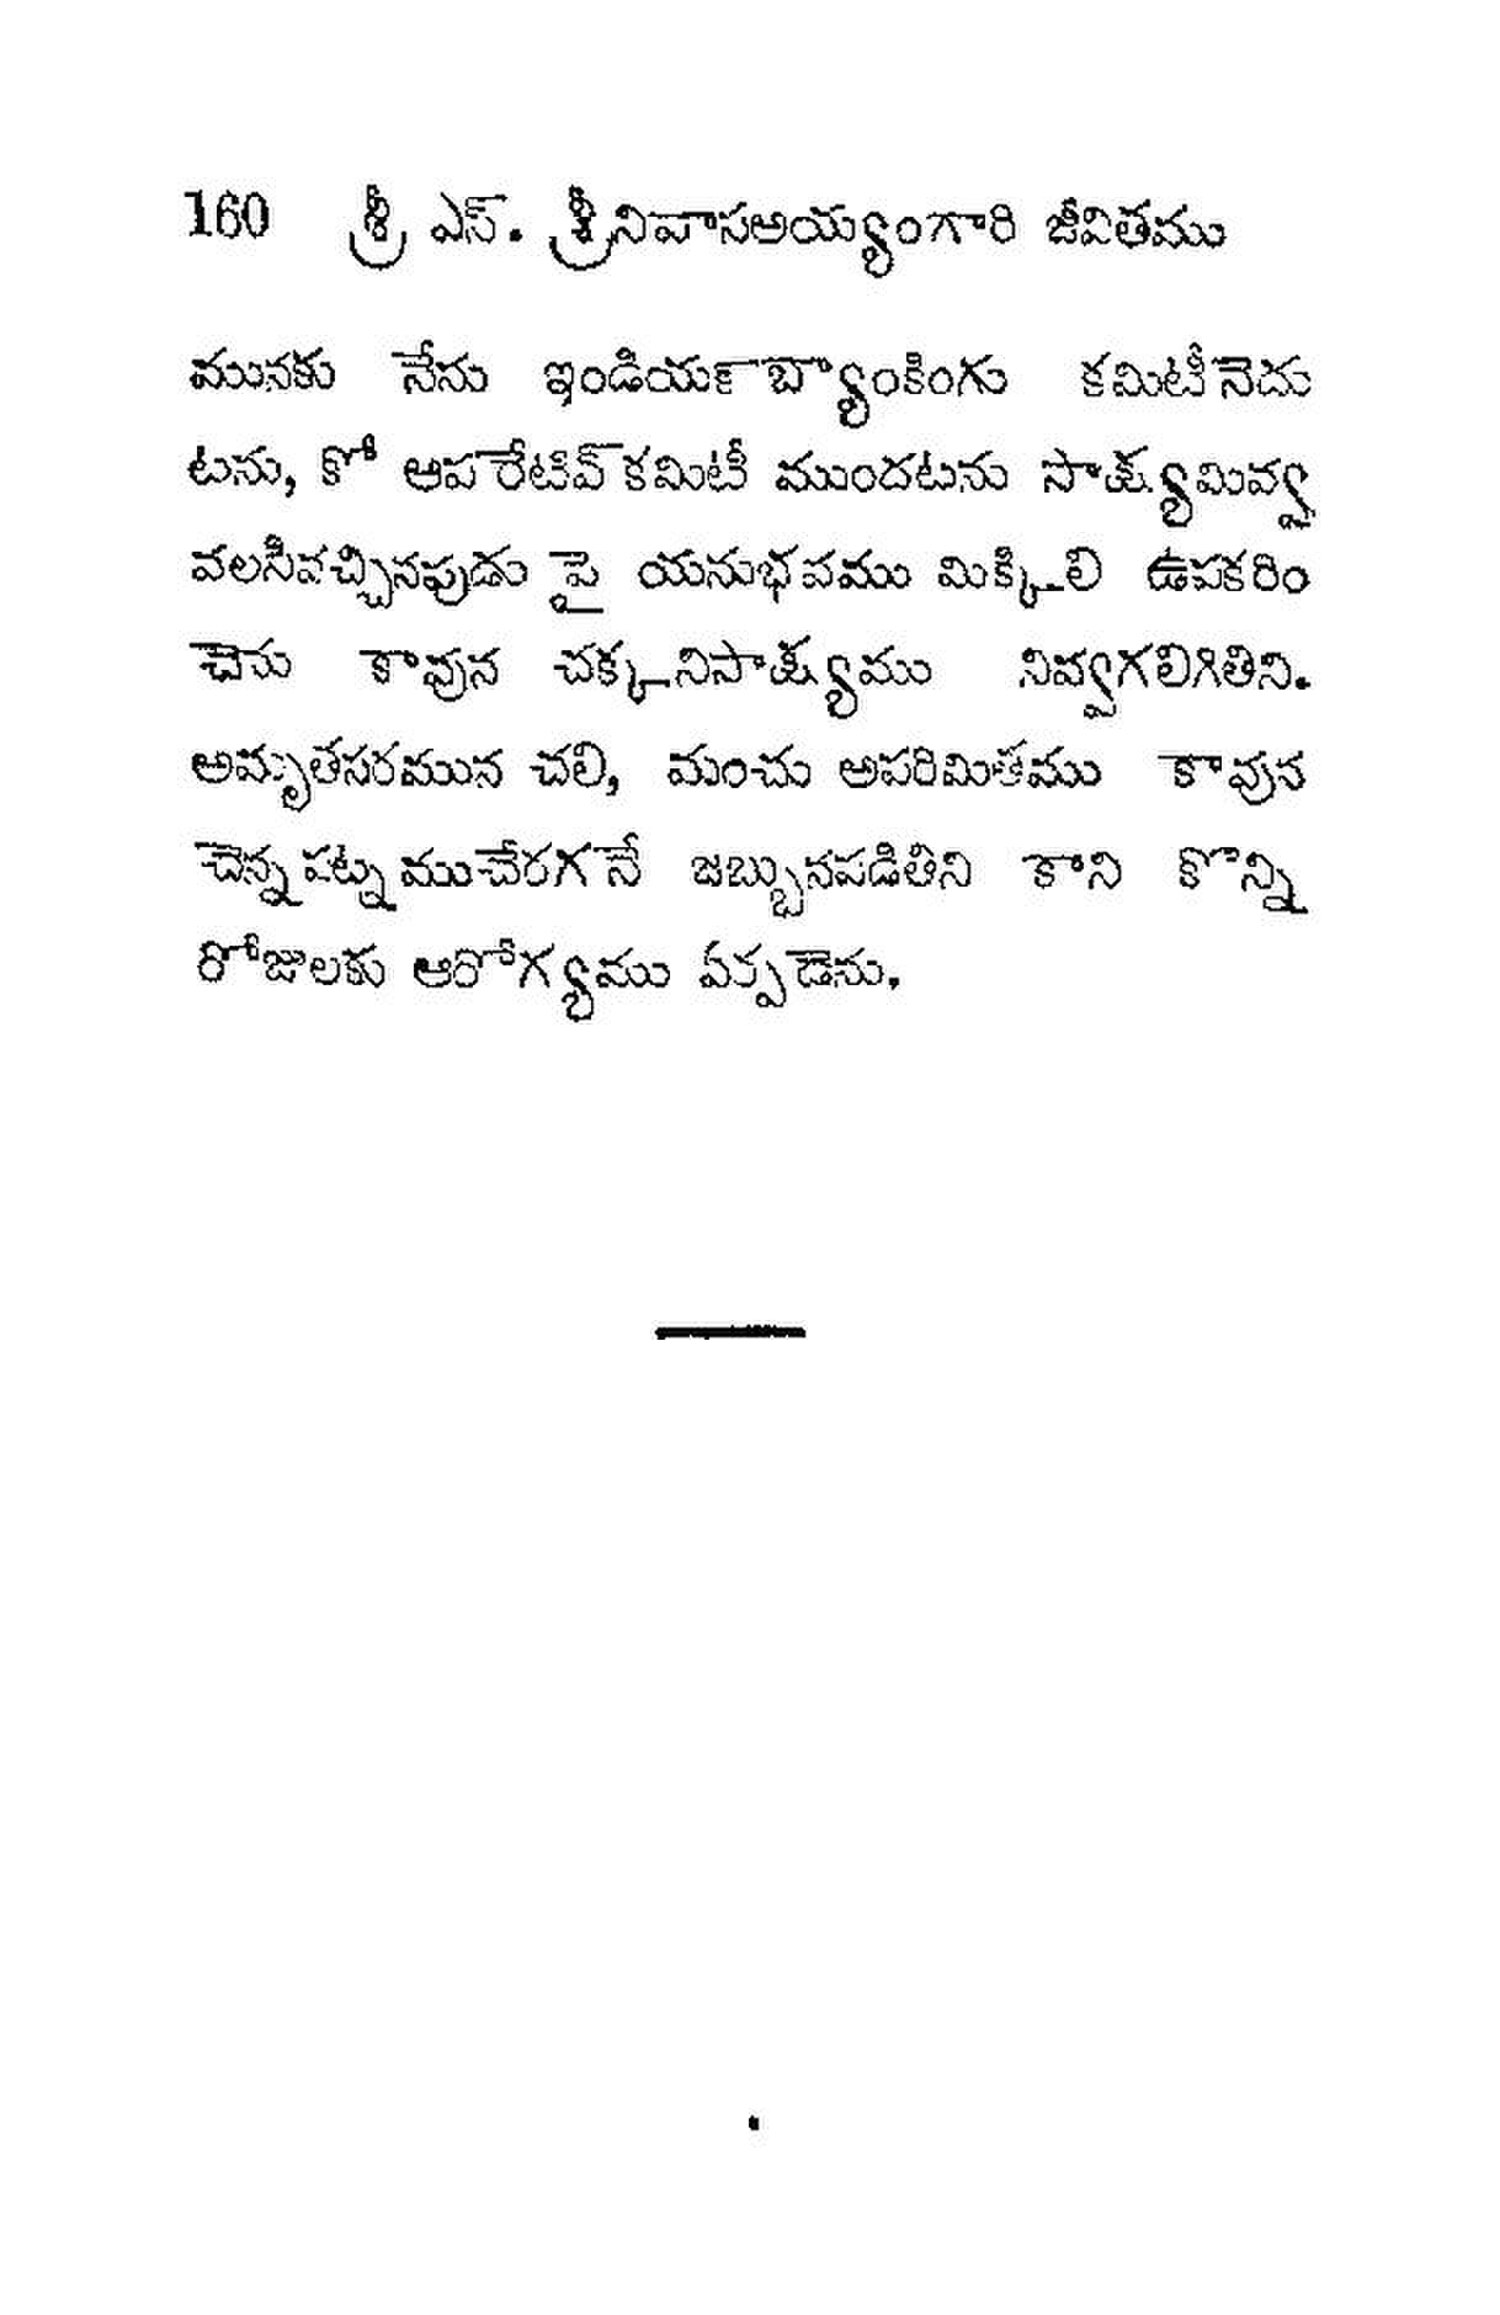మునకు నేను ఇండియ౯బ్యాంకింగు కమిటీ నెదుటను, కో ఆపరేటివ్‌కమిటీ ముందటను సాక్ష్యమివ్వ వలసివచ్చినపుడు పై యనుభవము మిక్కిలి ఉపకరించెను. కావున చక్కనిసాక్ష్యము నివ్వగలిగితిని. అమృతసరమున చలి, మంచు అపరిమితము కావున చెన్నపట్నముచేరగనే జబ్బునపడితిని కాని కొన్ని రోజులకు ఆరోగ్యము ఏర్పడెను.